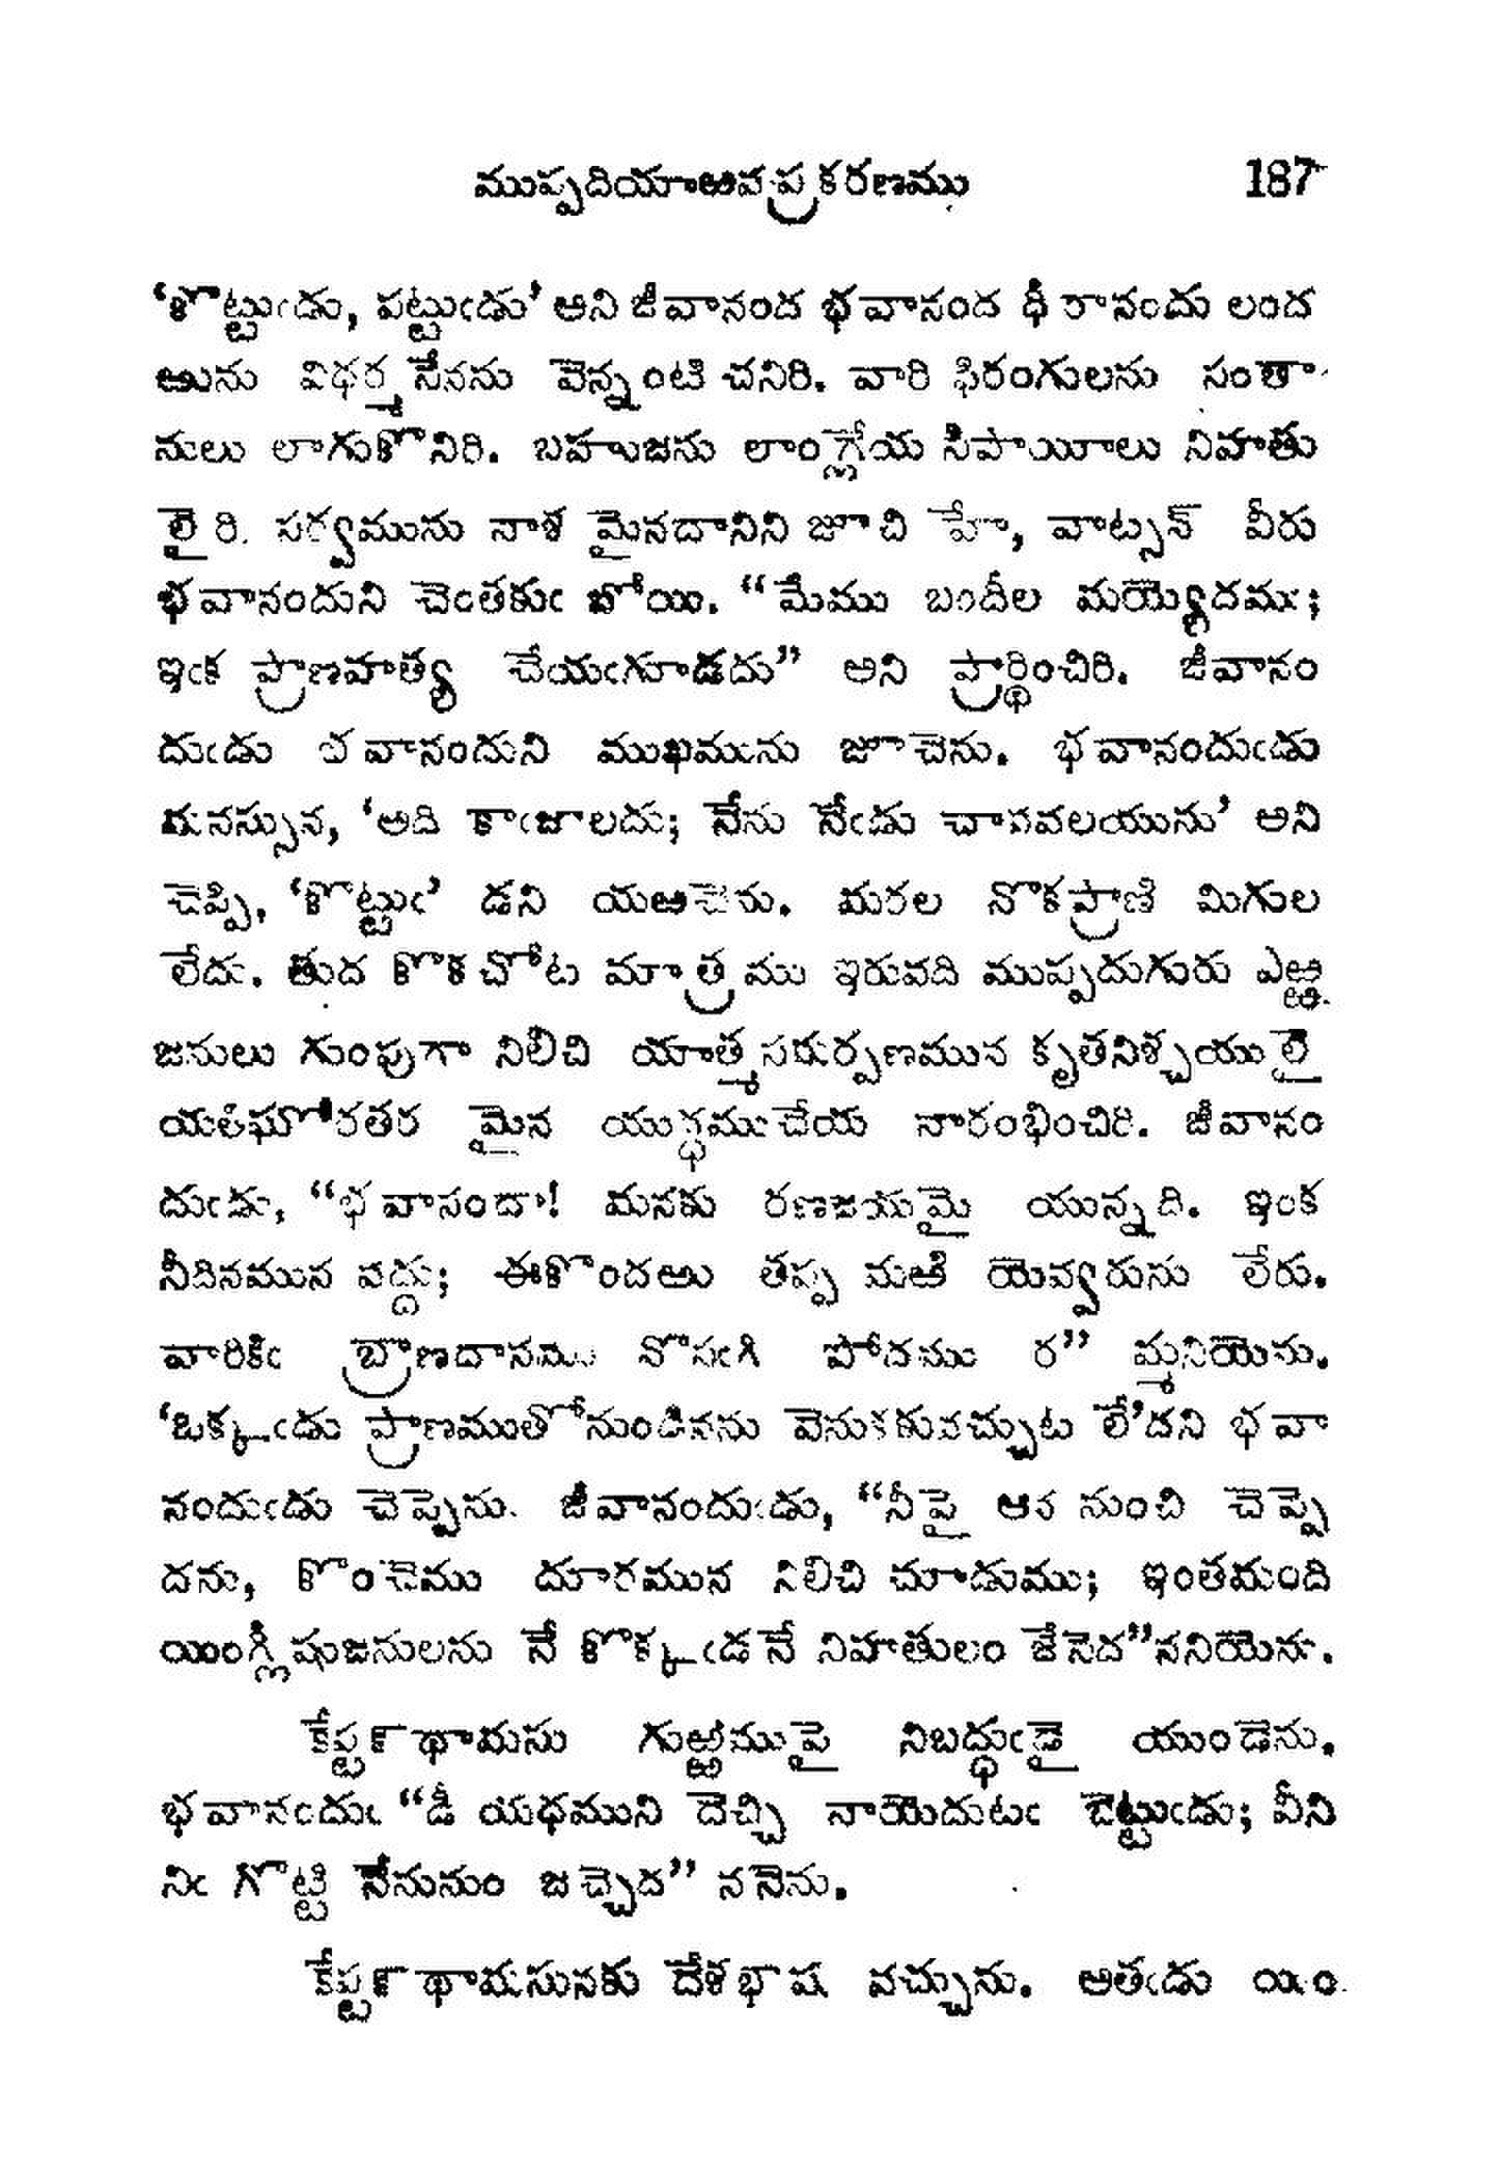‘కొట్టుఁడు, పట్టుఁడు' అని జీవానంద భవానంద ధీ రానందు లందఱును విధర్మ సేనను వెన్నంటి చనిరి, వారి ఫిరంగులను సంతానులు లాగుకొనిరి. బహుజను లాంగ్లేయ సిపాయీలు నిహతులైరి. సర్వమును నాశ మైనదానిని జూచి హే, వాట్సన్ వీరు భవానందుని చెంతకుఁ బోయి. “ మేము బందీల మయ్యెదము; ఇఁక ప్రాణహత్య చేయఁగూడదు” అని ప్రార్థించిరి. జీవానందుఁడు భవానందుని ముఖమును జూచెను. భవానందుఁడు మనస్సున, 'అది కాఁజాలదు; నేను నేఁడు చావవలయును' అని చెప్పి, 'కోట్టుఁ' డని యఱచెను. మరల నొక ప్రాణి మిగుల లేదు. తుద కొకచోట మాత్రము ఇరువది ముప్పదుగురు ఎఱ్ఱ జనులు గుంపుగా నిలిచి యాత్మ సమర్పణమున కృతనిశ్చయులై యతిఘోరతర మైన యుద్ధము చేయ నారంభించిరి. జీవానందుఁడు, “భవానందా! మనకు రణజయమై యున్నది. ఇంక నీదినమున వద్దు, ఈకొందఱు తప్ప మఱి యెవ్వరును లేరు. వారికిఁ బ్రాణదానము నొసఁగి పోదము ర” మ్మనియెను. 'ఒక్కఁడు ప్రాణముతోనుండినను వెనుకకువచ్చుట లే'దని భవానందుఁడు చెప్పెను. జీవానందుఁడు, “నీపై ఆన నుంచి చెప్పెదను, కొంచెము దూరమున నిలిచి చూడుము; ఇంతమంది యింగ్లీషుజనులను నే కొక్కఁడ నే నిహతులం జేసెద"ననియెను.

కేష్ట౯ థామసు గుఱ్ఱముపై నిబద్ధుఁడై యుండెను, భవానందుఁ. “డీ యధముని దెచ్చి నాయెదుటఁ బెట్టుఁడు; వీనినిఁ గొట్టి నేనునుం జచ్చెద" ననెను.

కేష్ట౯ థామసునకు దేశ భాష వచ్చును. అతఁడు యిం